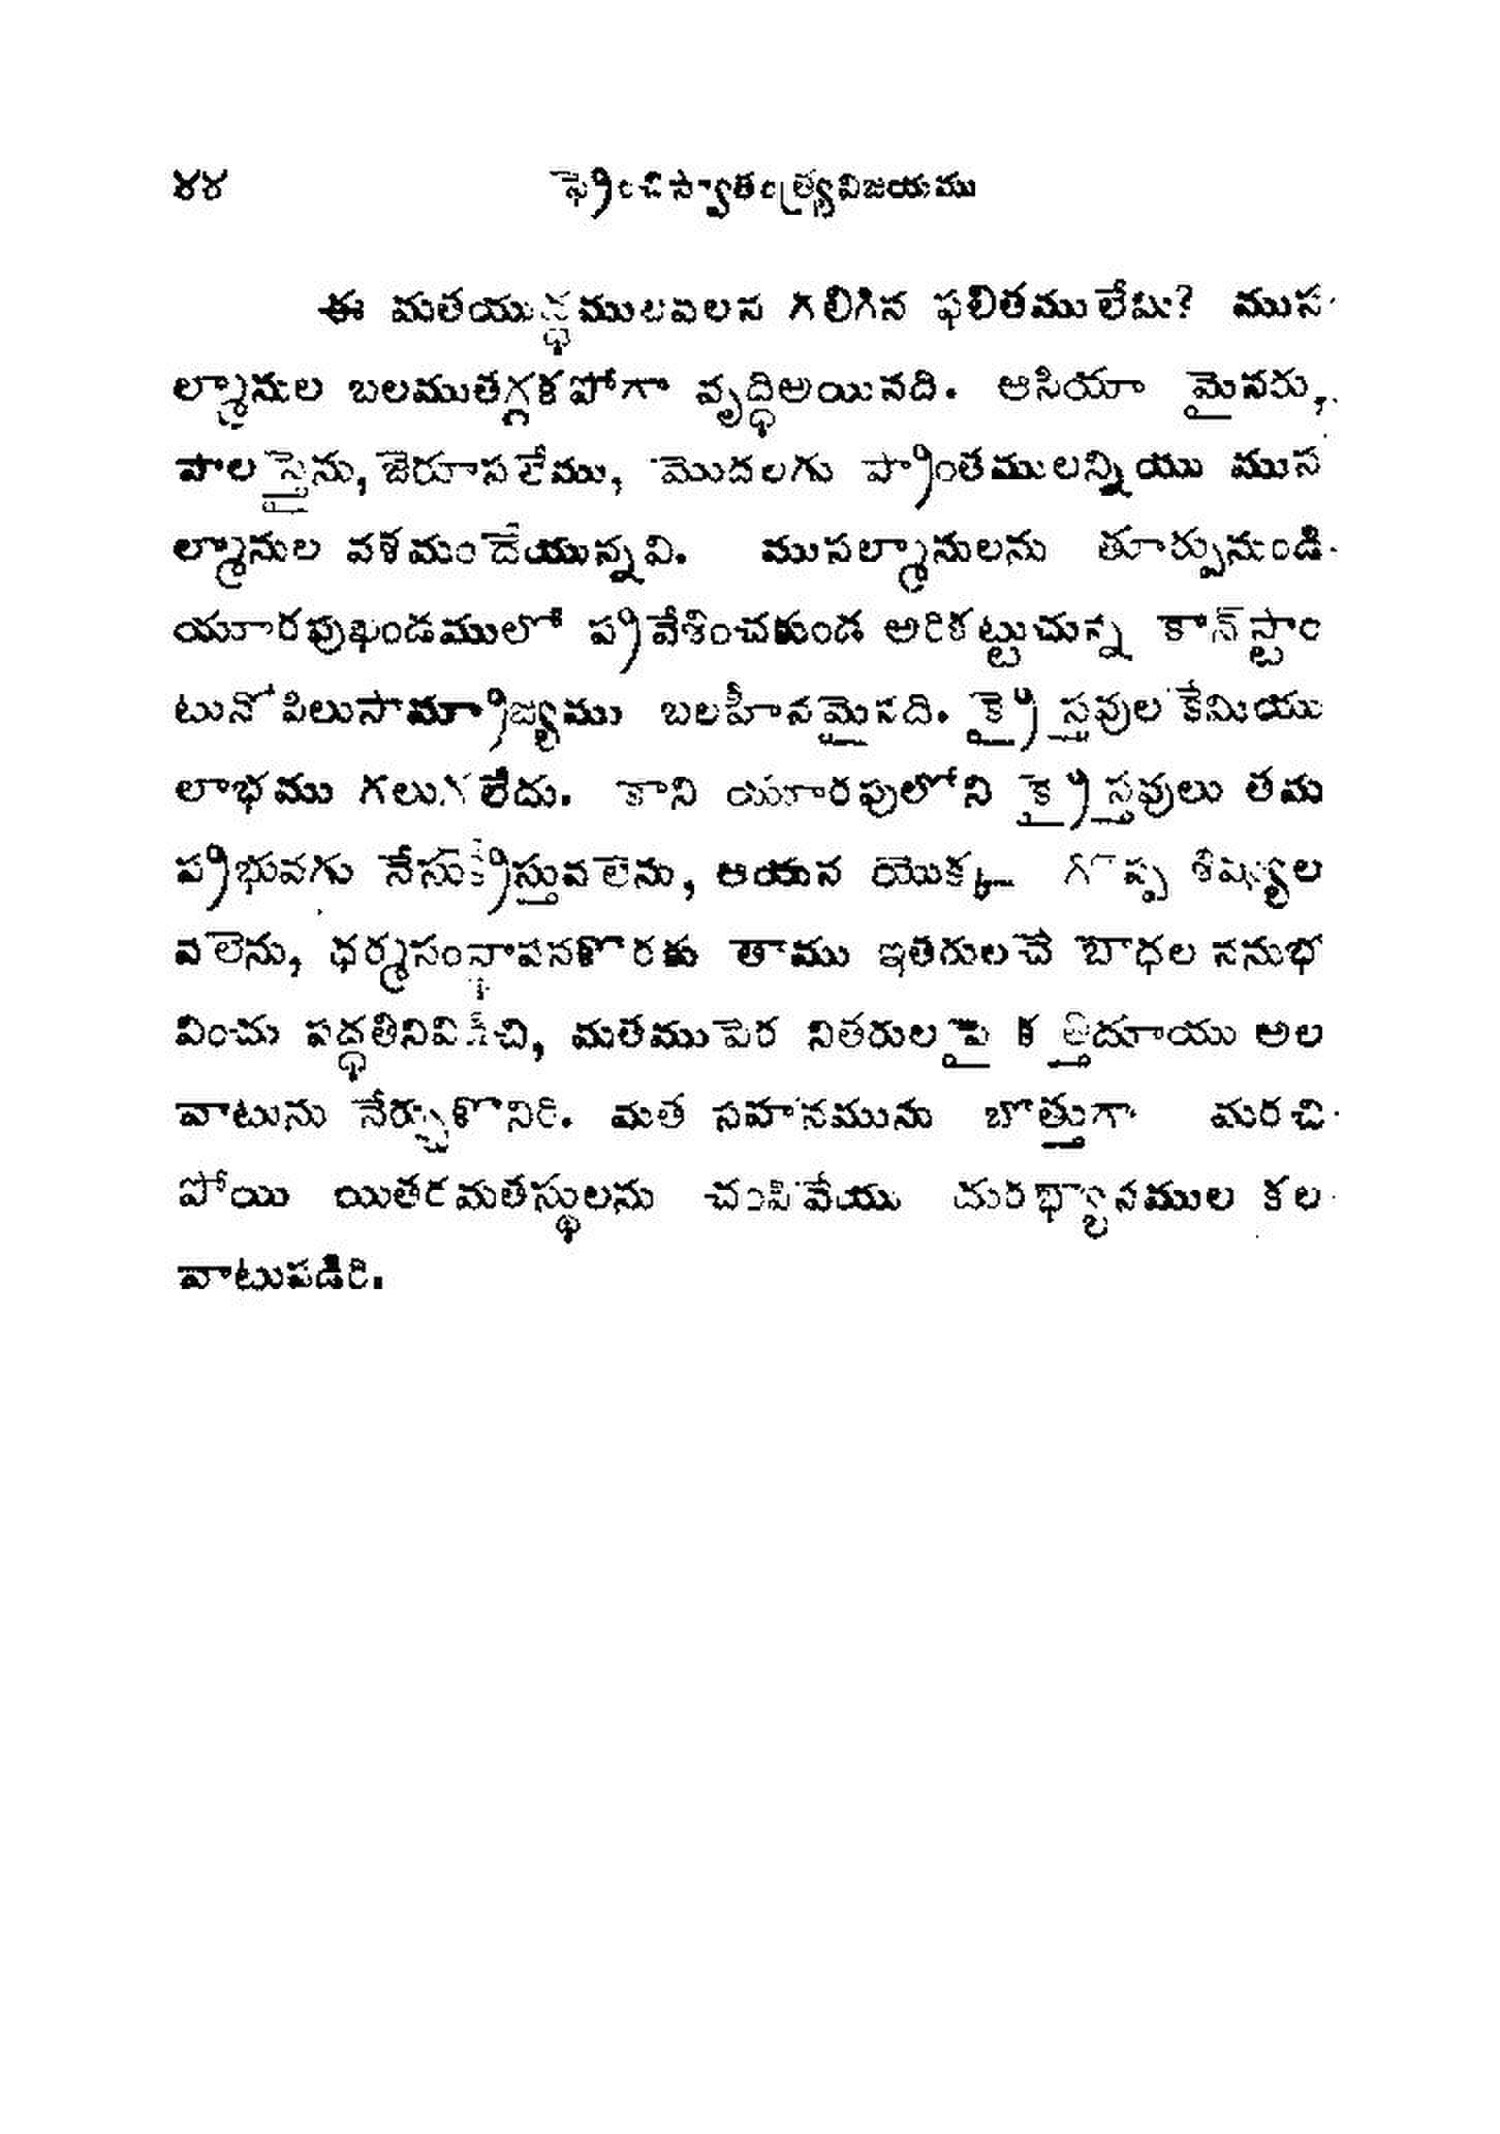ఈ మతయుద్ధముల వలస గిలిగిన ఫలితము లేమి? ముస
ల్మానుల బలము తగ్గకపోగా వృద్ధి అయినది. ఆసియా మైనరు.
పాల స్తైను, జెరూసలేము, 'మొదలగు ప్రాంతములన్నియు ముస
ల్మానుల వశమందే యున్నవి. ముసల్మానులను తూర్పునుండి.
యూరపు ఖండములో ప్రవేశించకుండ అరికట్టుచున్న కాన్ స్టాం
టునోపిలు సామాజ్యము బలహీనమైనది. క్రైస్తవుల కేమియు
లాభము గలుగలేదు. కాని యూరపులోని క్రైస్తవులు తమ
ప్రభువగు నేసు క్రీస్తువలెను , ఆయన యొక్క గొప్ప శిష్యుల
వలెను, ధర్మసం స్తాపనకొరకు తాము ఇతరులచే బాధల ననుభ
వించు పద్ధతిని విడిచి, మతము పేర నితరుల పై కత్తిదూయు అల
వాటును నేర్చుకొనిరి. మత సహనమును బొత్తుగా మరచి పోయి
యితర మతస్థులను చంపి వేయు దురభ్యానముల కల
వాటుపడిరి.